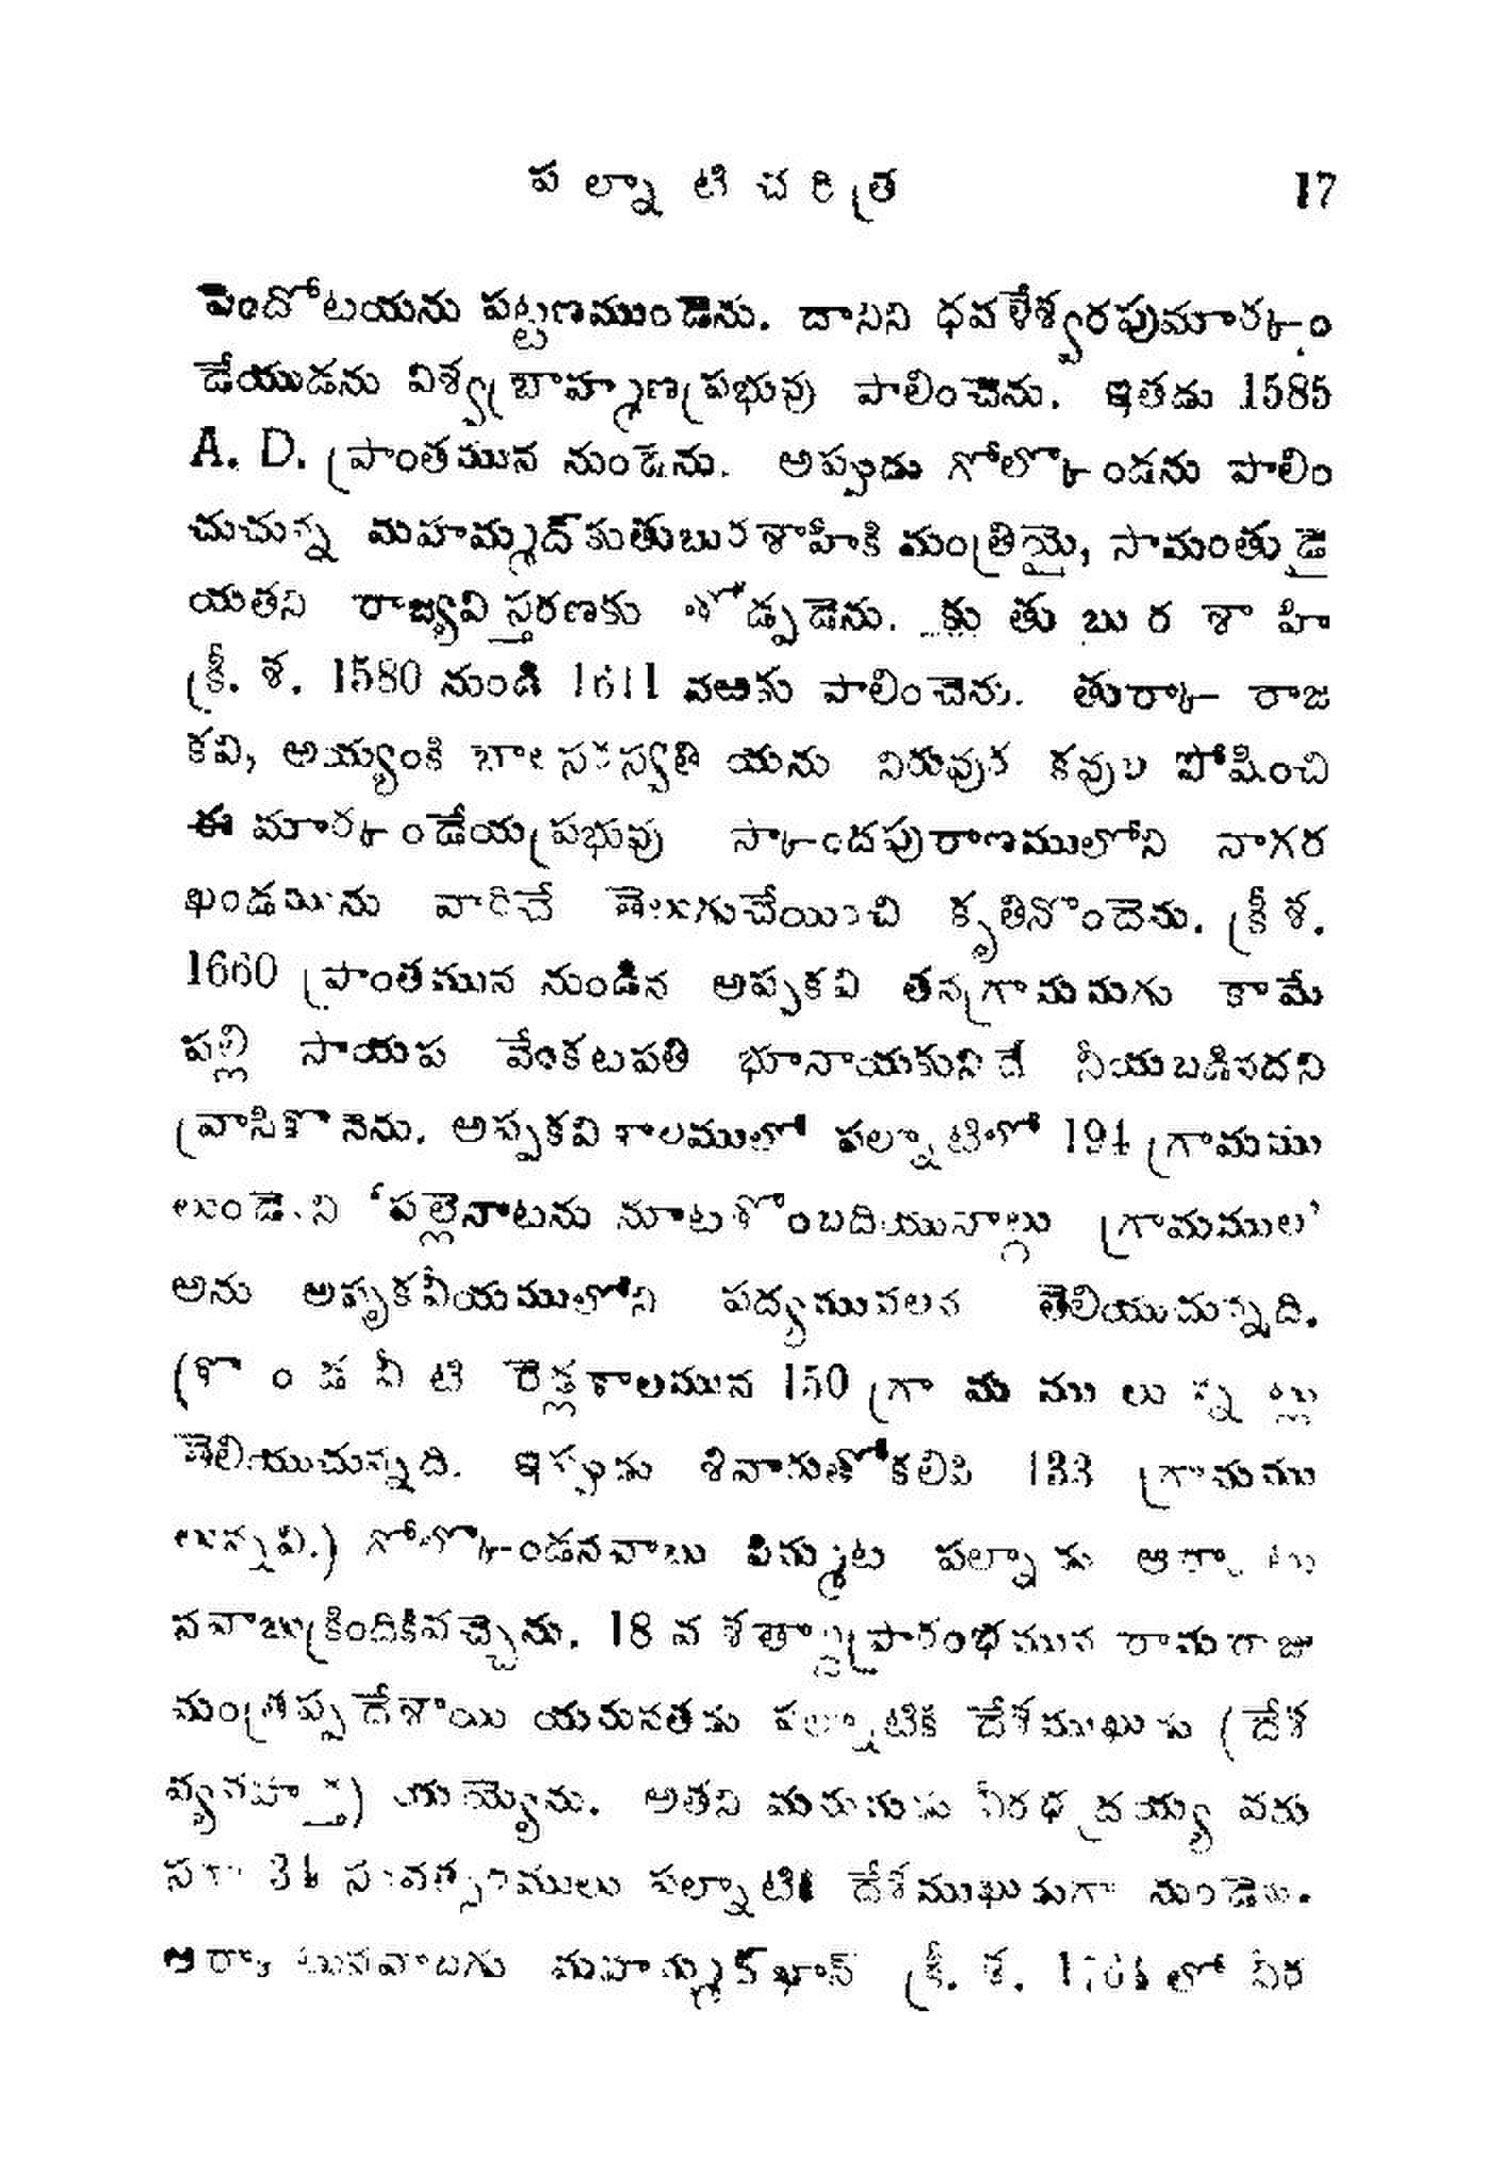పెందోటయను పట్టణముండెను. దానిని ధవళేశ్వరపు
మార్కండేయుడను విశ్వబ్రాహ్మణప్రభువు పాలించెను. ఇతడు 1585
A. D. ప్రాంతమున నుండెను. అప్పుడు గోల్కొండను పాలిం
చుచున్న మహమ్మద్ కుతుబుర శాహికి మంత్రియై, సామంతుడై
యతని రాజ్యవిస్తరణకు తోడ్పడెను. కుతుబురశాహి
కీ. శ. 1580 నుండి 1611 వఱకు పాలించెను. తుర్కా రాజు
కవి, అయ్యంకి బాలసరస్వతి యను నిరువున కవుల పోషించి
ఈ మార్కండేయ ప్రభువు స్కాందపురాణములోని నాగర
ఖండమును వారిచే తెలుగు చేయించి కృతినొందెను.క్రీ.శ. 
1660 ప్రాంతమున నుండిన అప్పకవి తన గ్రామమగు కామేపల్లి 
సాయప వేంకటపతి భూనాయకునిచే నీయబడినదని
వ్రాసికొనెను. అప్పకవి కాలములో పల్నాటిలో 194 గ్రామము
లుండెనని ‘పల్లెనాటను నూట తొంబదియునాల్గు గ్రామముల'
అను అప్పకవీయములోని పద్యమువలన తెలియుచున్నది.
(కొండవీటి రెడ్లకాలమున 150 గ్రామములున్నట్లు
తెలియుచున్నది. ఇప్పుడు శివారుతో కలిపి 133 గ్రామము
exన్నవి.) గోల్కొండనవాబు పిమ్మట పల్నాడు ఆర్కాటు
నవాబు క్రిందికివచ్చెను, 18వ శతాబ్దం ప్రారంభమున రామరాజు
మంత్రప్ప దేశాయి యనునతడు పల్నాటికి దేశముఖుడు (దేశ
వ్యవహర్త) యయ్యెను. అతని మనుమడు వీరభద్రయ్య వరుసగా 
34 సంవత్సరములు పల్నాటికి దేశముఖుడుగా నుండెను.
ఆర్కాటునవాబగు మహమ్మద్ ఖాన్ క్రీ. శ. 1764 లో వీర